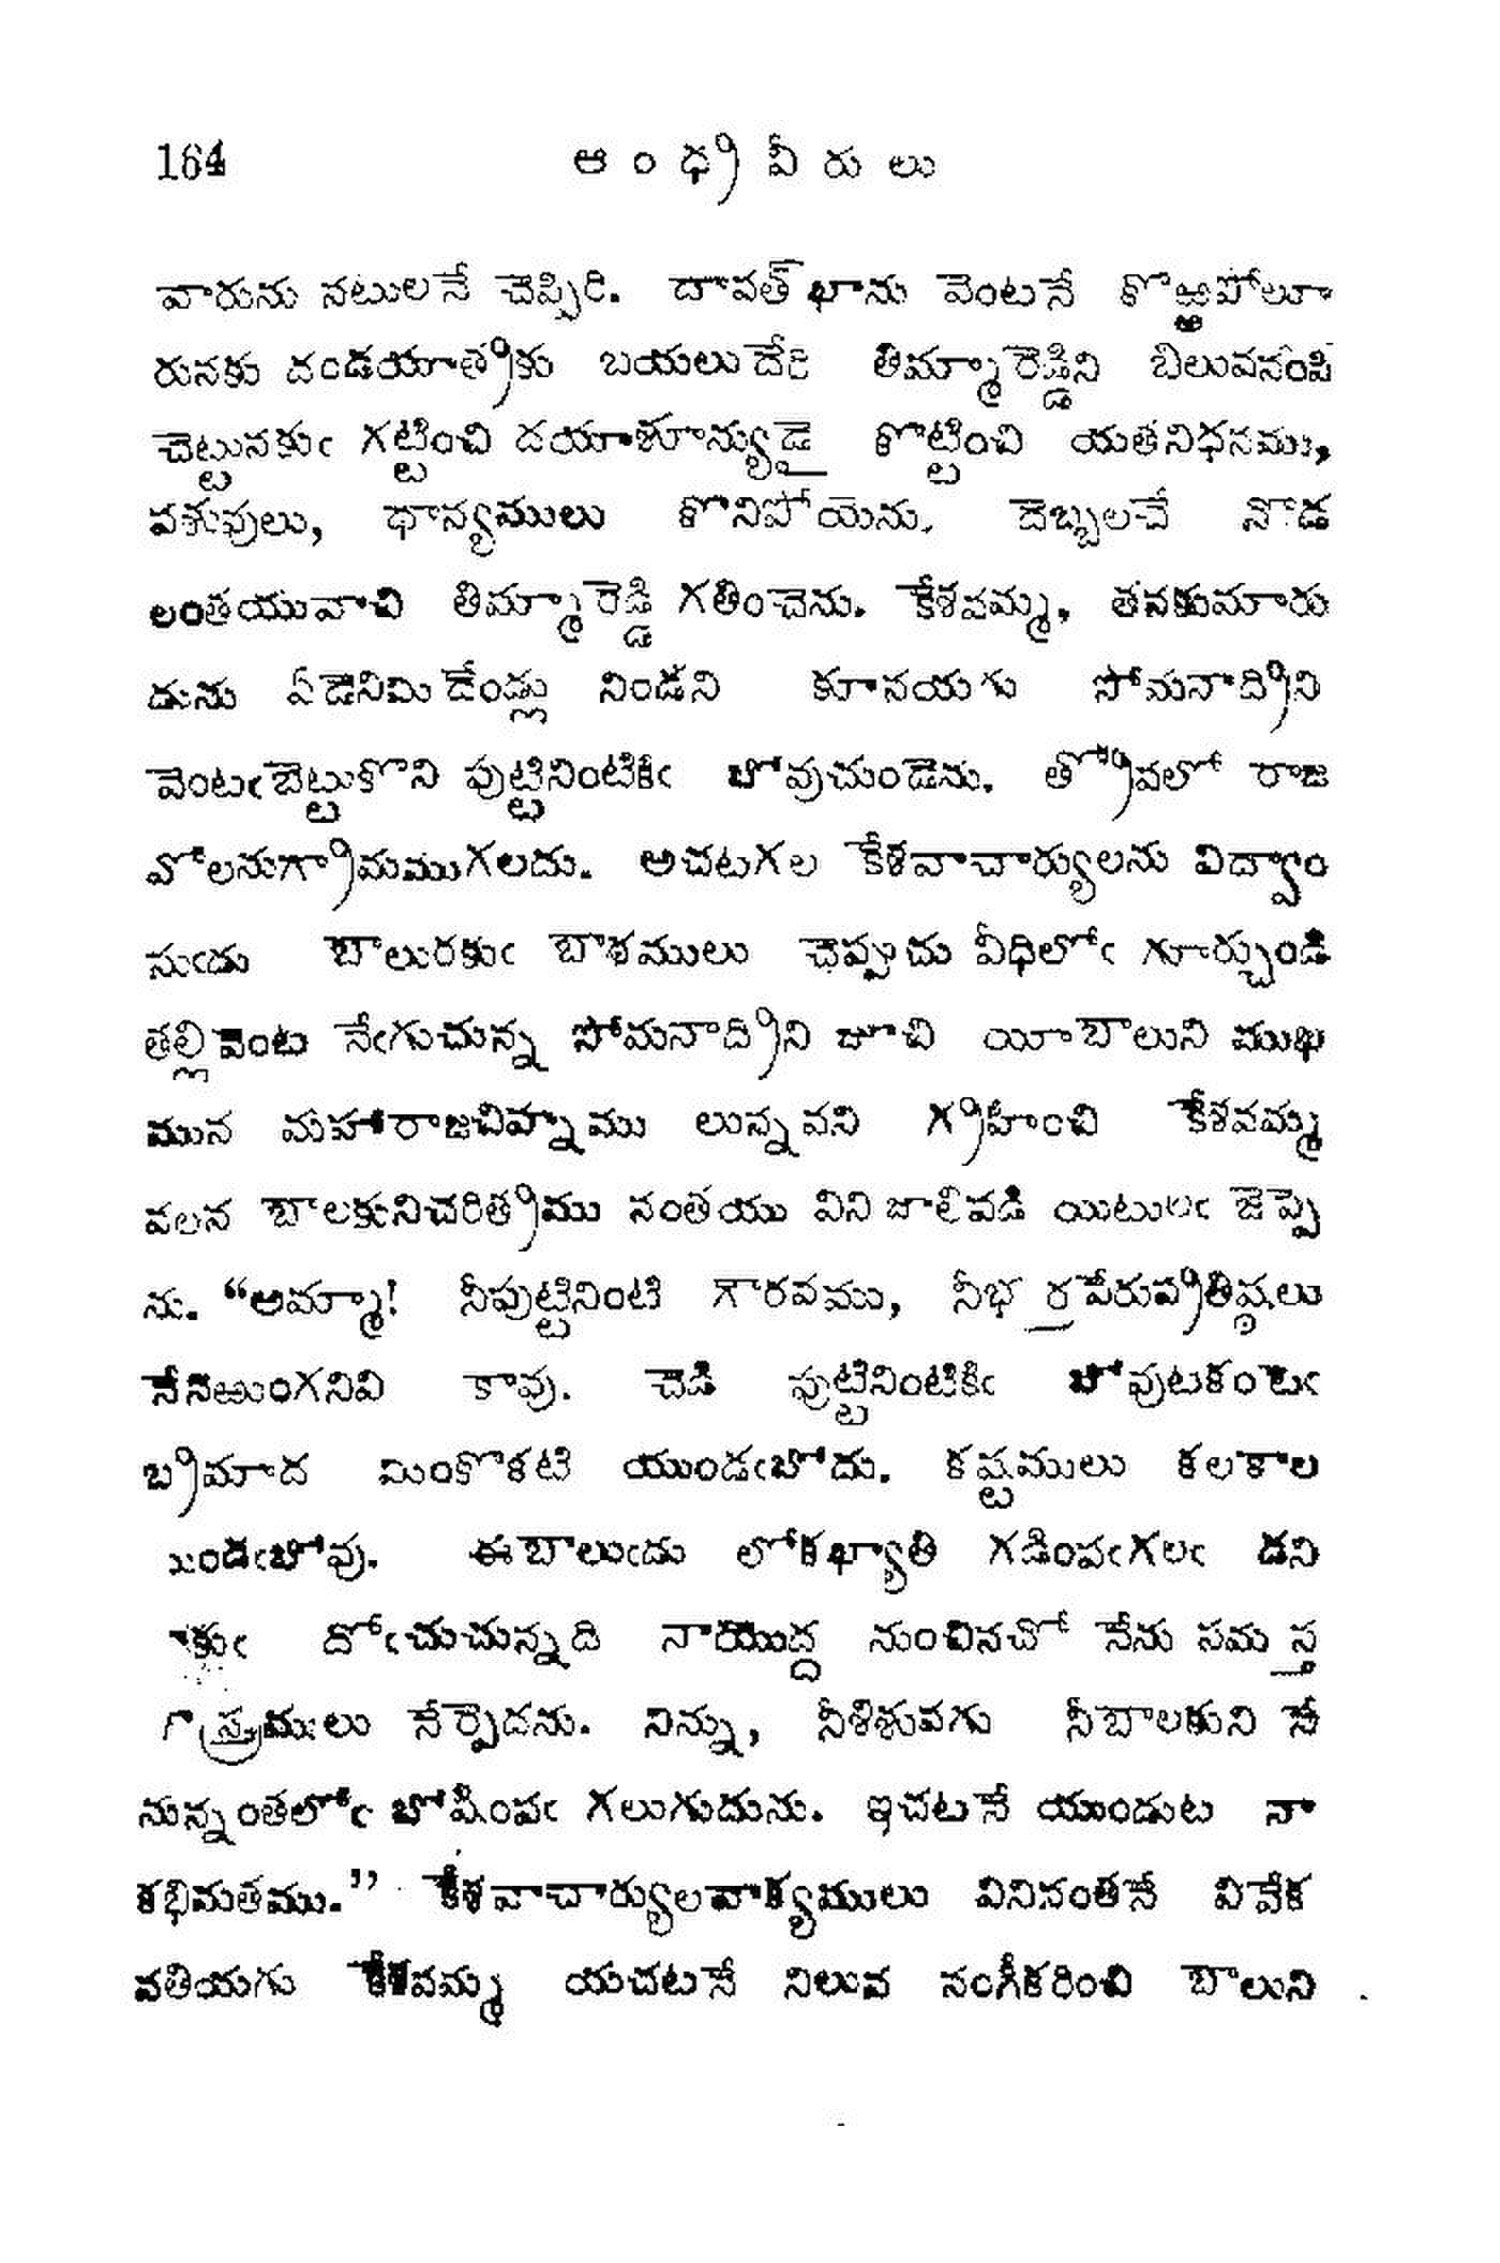వారును నటులనే చెప్పిరి. దావత్‌ఖాను వెంటనే కొఱ్ఱపోలూరునకు దండయాత్రకు బయలుదేరి తిమ్మారెడ్డిని బిలువనంపి చెట్టునకు గట్టించి దయాశూన్యుడై కొట్టించి యతనిధనము, పశువులు, ధాన్యములు కొనిపోయెను. దెబ్బలచే నొడలంతయువాచి తిమ్మారెడ్డి గతించెను. కేశవమ్మ, తనకుమారుడును ఏడెనిమిదేండ్లు నిండని కూనయగు సోమనాద్రిని వెంటబెట్టుకొని పుట్టినింటికి బోవుచుండెను. త్రోవలో రాజవోలనుగ్రామము గలదు. అచటగల కేశవాచార్యులను విద్వాంసుడు బాలురకు బాఠములు చెప్పుచు వీధిలో గూర్చుండి తల్లివెంట నేగుచున్న సోమనాద్రిని జూచి యీబాలుని ముఖమున మహారజుచిహ్నము లున్నవని గ్రహించి కేశవమ్మ వలన బాలకునిచరిత్రము నంతయు విని జాలిపడి యిటుల జెప్పెను. "అమ్మా! నీపుట్టినింటి గౌరవము, నీభర్తపేరుప్రతిష్ఠలు నేనెఱుంగనివి కావు. చెడి పుట్టినింటికి బోవుటకంటె బ్రమాద మింకొకటి యుండబోదు. కష్టములు కలకాల యుండబోవు. ఈబాలుడు లోకఖ్యాతి గడింపగల డని నాకు దోచుచున్నది. నాయొద్ద నుంచినచో నేను సమస్త శాస్త్రములు నేర్పెదను. నిన్ను, నీశిశువగు నీబాలకుని నేనున్నంతలో బోషింప గలుగుదును. ఇచటనే యుండుట నా కభిమతము." కేశవాచార్యులవాక్యములు వినినంతనే వివేకవతియగు కేశవమ్మ యచటనే నిలువ నంగీకరించి బాలుని